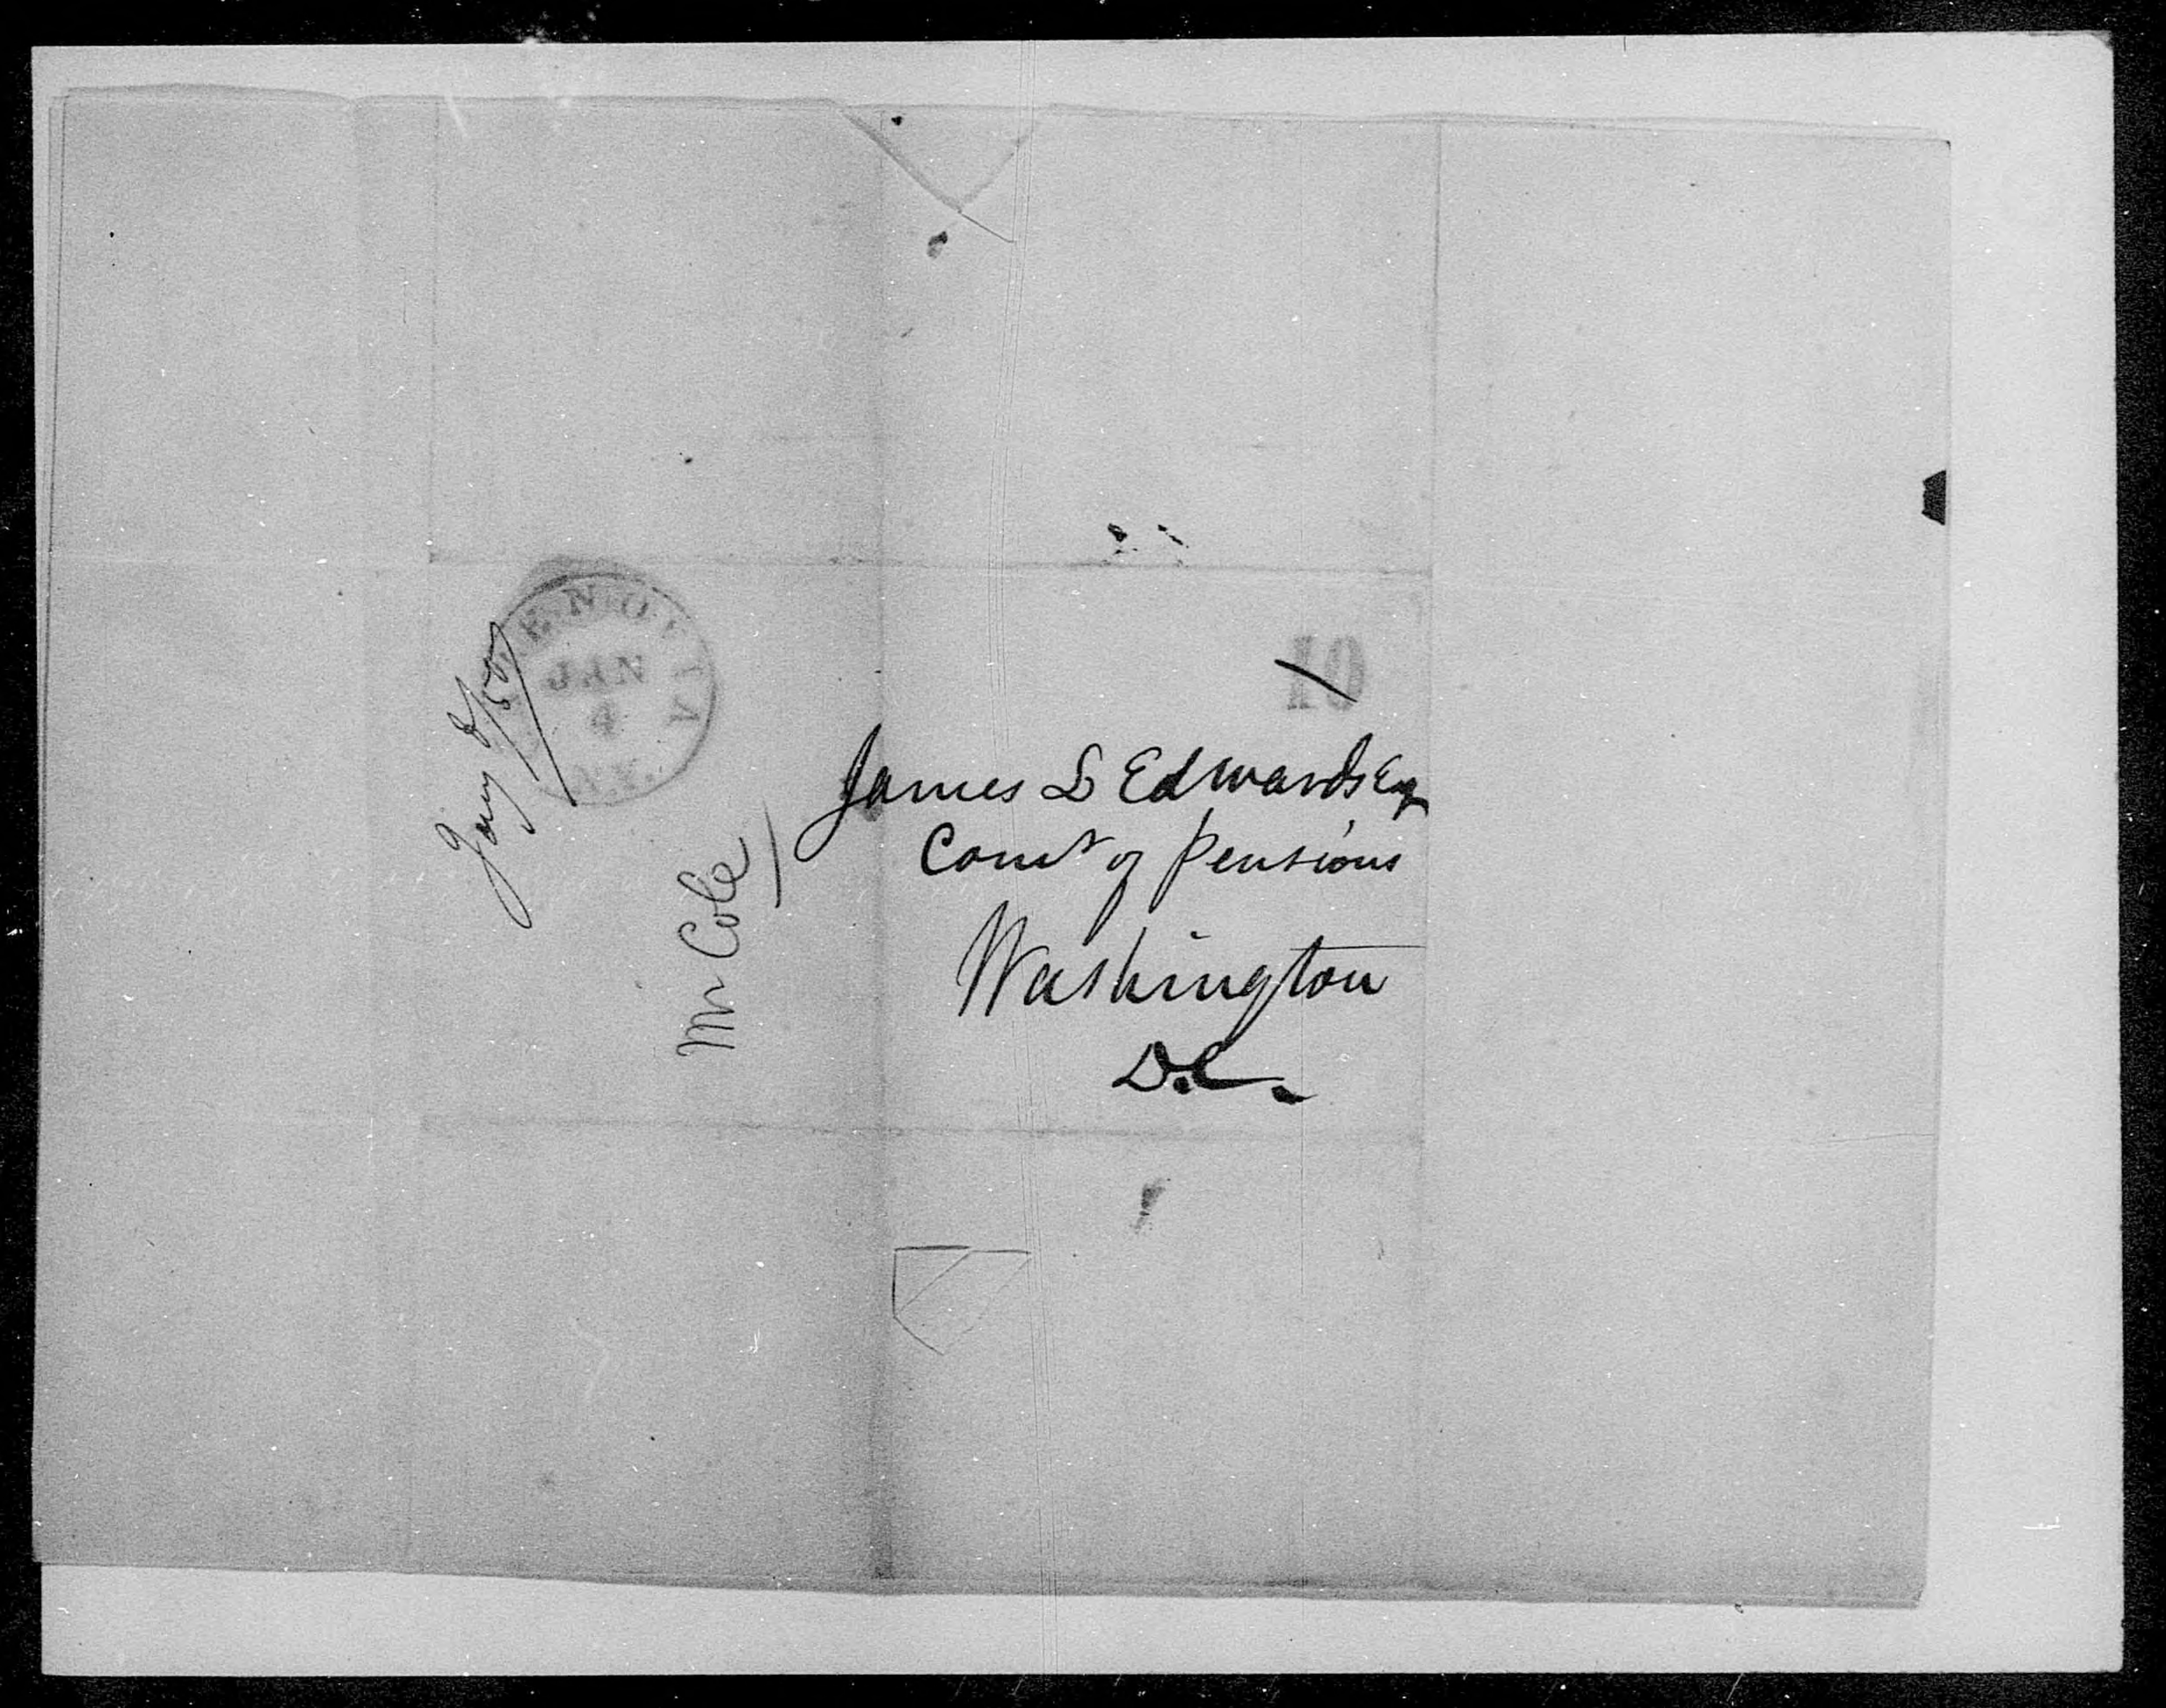Jany 8-50
Mr. Cole
James L. Edwards, Esq.
Com. of Pensions
Washington 
D. C.
[stamp][illegible] N. Y.
Jan 4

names: Cole, James L Edwards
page: 42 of 61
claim: survivor's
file: S. 22798, Paul Griffiths, R.I.